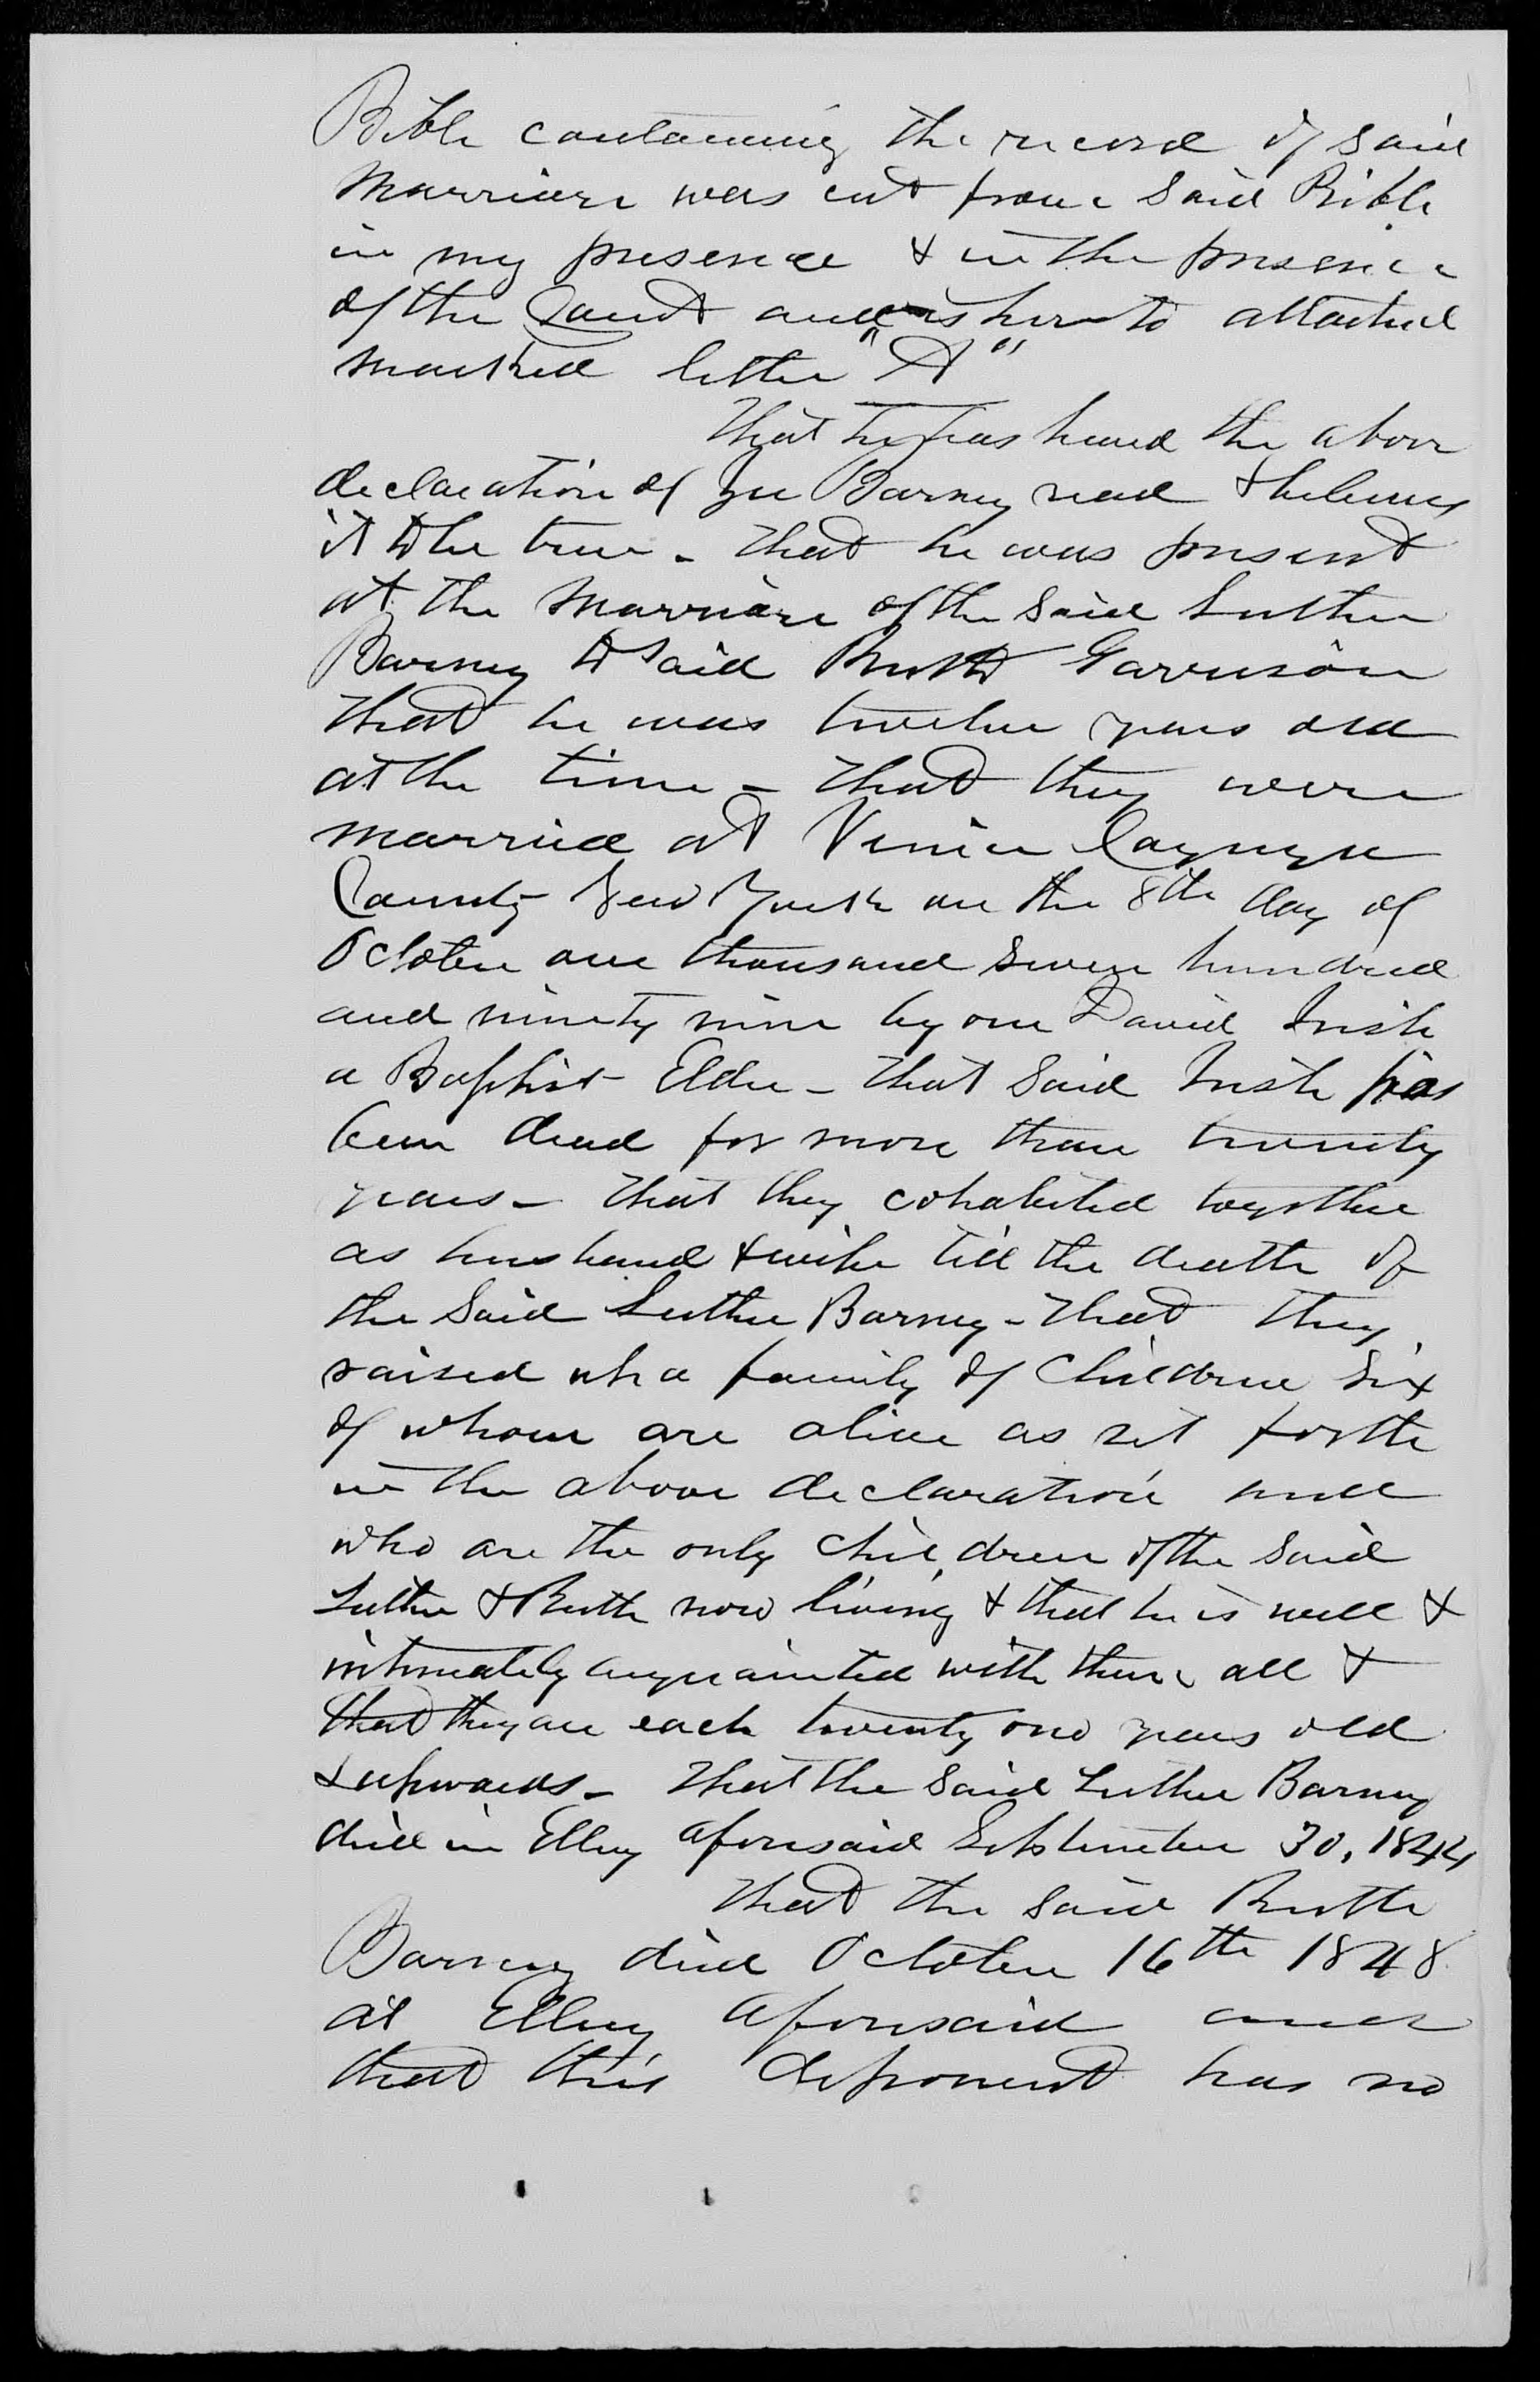Bible containing the record of said Marriage was cut from said Bible in my presence & in the presence of the Court and is hereto attached
marked letter "A"

That he has heard the above declaration of Zee Barney read & believes it be true- that he was present at the Marriage of the said Luther Barney & said Ruth Garrison that he was twelve years old at the time that they married at Venice Cayuga County New York on the 8th day of October one thousand seven hundred and ninety nine by one David Irish a Baptist Elder - that said Irish has been dead for more than twenty years - that they cohabited together as husband & wife till the death of the said Luther Barney - that they raised up a family of children six of whom are alive as set forth in the above declaration and who are the only children of the said Luther & Ruth Now living & that he is well & intimately acquainted with them all & that they are each twenty one years old upwards - That the said Luther Barney died in Ellery aforesaid September 30, 1844.

That the said Ruth Barney died October 16th 1848 at Ellery aforesaid and that this deponent has no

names: Luther Barney, Ruth, Rible, Luther Barney, Ruth Barney, Luther, Irish, Daniel Irish, Luther Barney, Zee Barney, Ruth Garrison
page: 27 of 61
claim: widow's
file: W. 4.124, Luther Barney, Conn. Privateer.